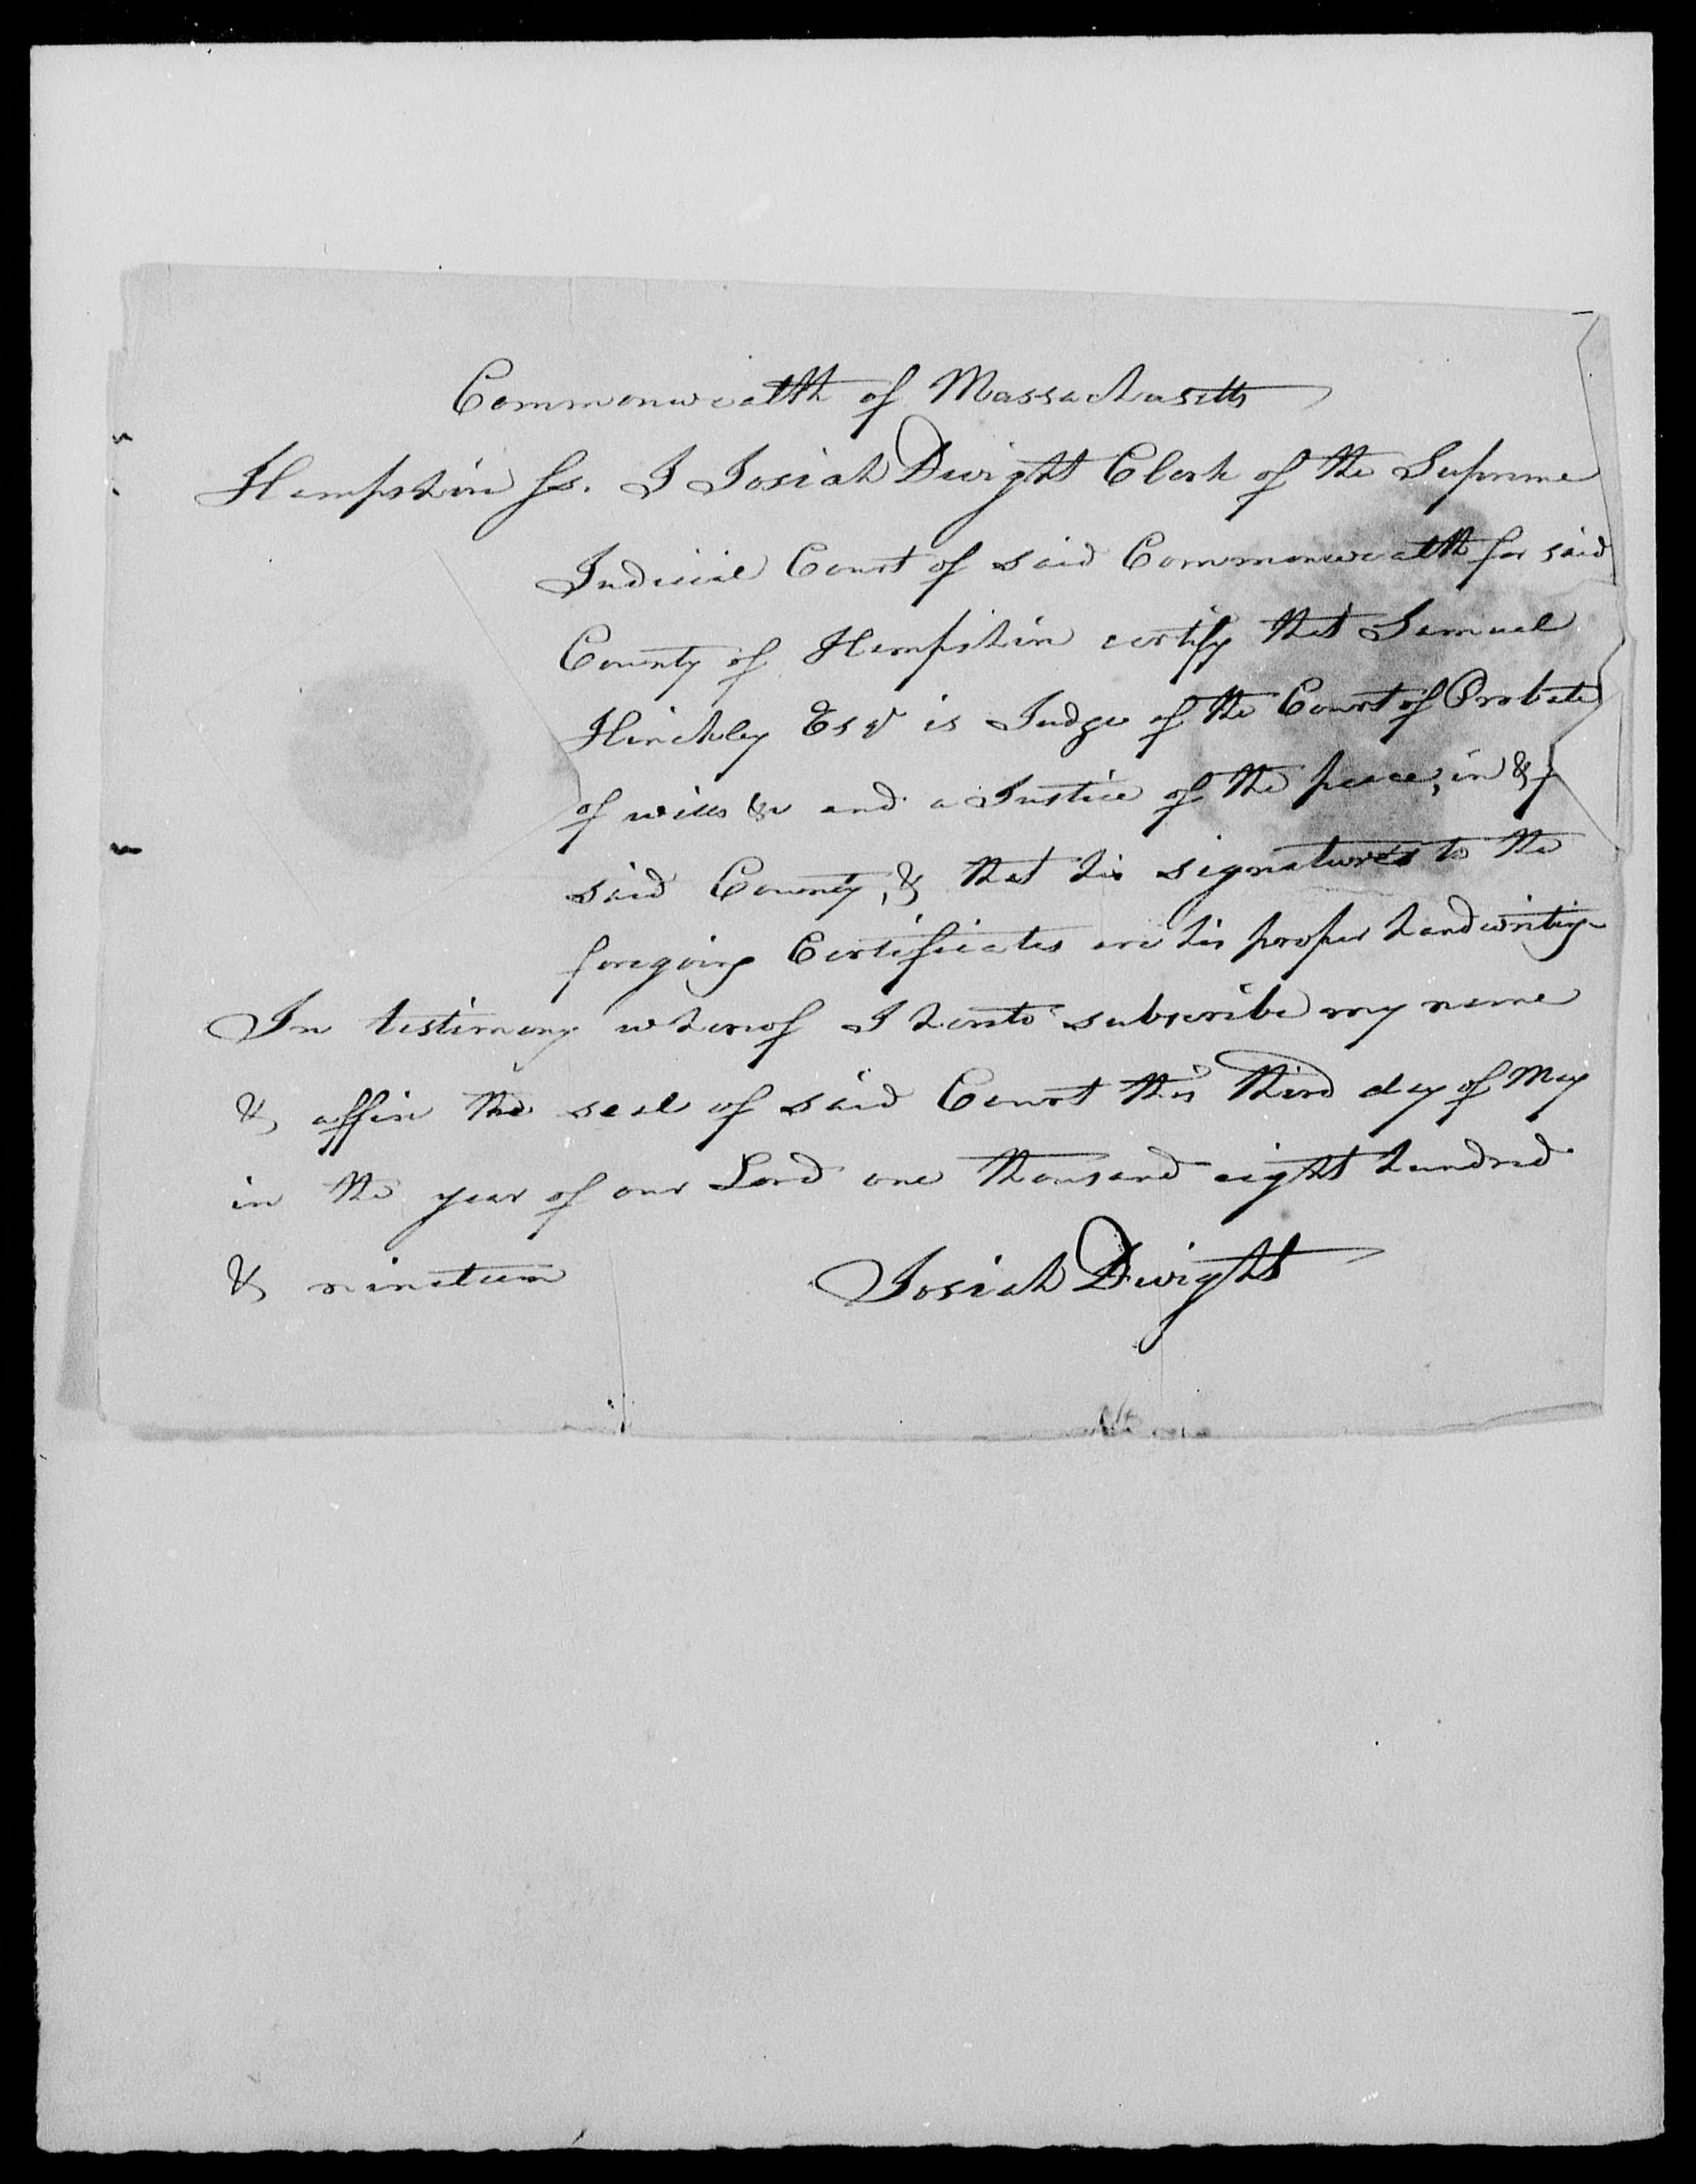Commonwealth of Massachusetts Hampshire ss. I Josiah Dwight Clerk of the Supreme Judicial Court of said Commonwealth for said County of Hampshire certify that Samuel Hinckly Esq is Judge of the Court of Probate of wills &c and a Justice of the peace in & said County, & that is signature to the foregoing Certificates are his proper handwriting 

In testimony whereof I unto subscribed my name & affix the seal of said Court this third day of May in the year of our Lord one thousand eight hundred & nineteen 
Josiah Dwight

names: Josiah Dwight, Josiah Dwight, Samuel Hinckley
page: 36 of 48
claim: survivor's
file: S. 17343, Lemuel Clarke, Mass.